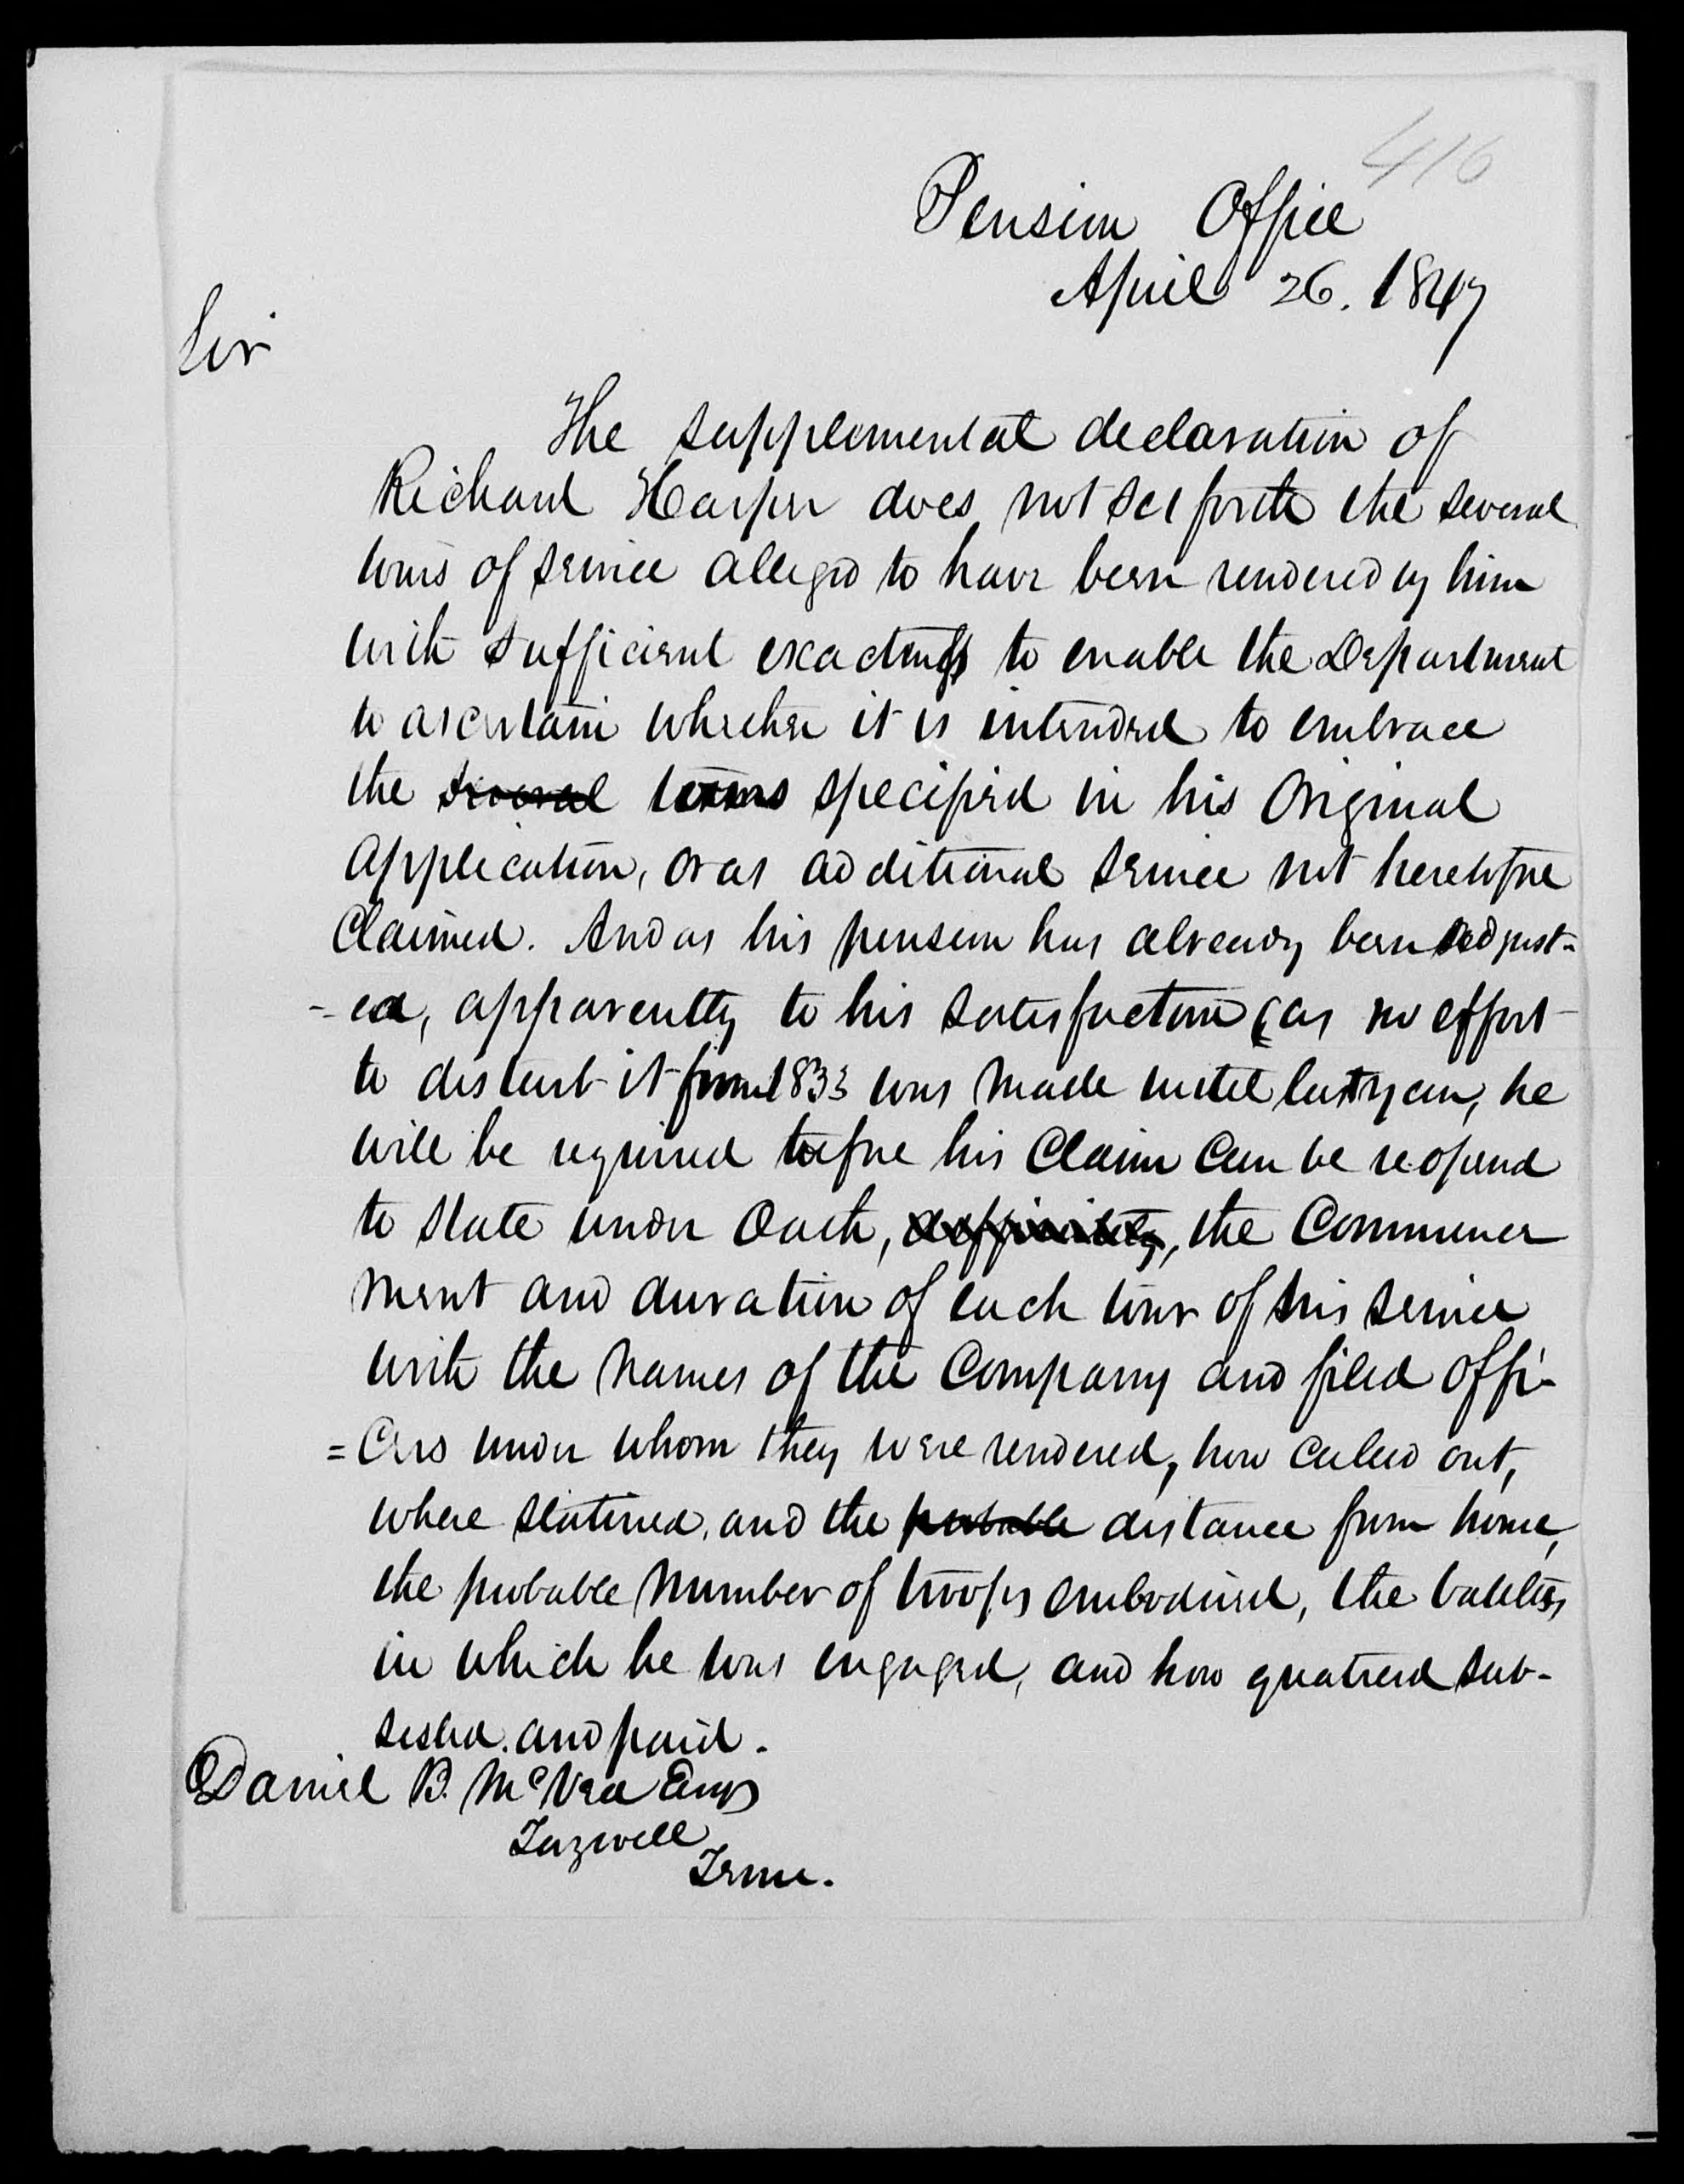416
Pension Office
April 26, 1849 

Sir,
The supplemental declaration of Richard Harper does not set forth the several tours of service alleged to have been rendered by him with sufficient exactings to enable the Department to ascertain whether it is intended to embrace the [second - CROSSED OUT] tours specified in his Original Application, or as additional service not heretofore Claimed. And as his pension has already been adjusted, apparently to his satisfaction as no effort to disturb it from 1832 was made until last year, he will be required before his Claim can be reopened to state under Oath, [illegible word crossed out] the commencement and duration of such tour of his service with the names of the Company and field officers under whom they were rendered, how called out, where stationed, and the [probable - CROSSED OUT] distance from home, the probable number of troops combined, the battles in which he was engaged, and how quartered, subsisted and paid. 

Daniel B. McVea Esq
Tazewell
Tenn.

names: Richard Harper, Daniel B Mc Vea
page: 28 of 81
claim: survivor's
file: S. 1908, Richard Harper, N.C.